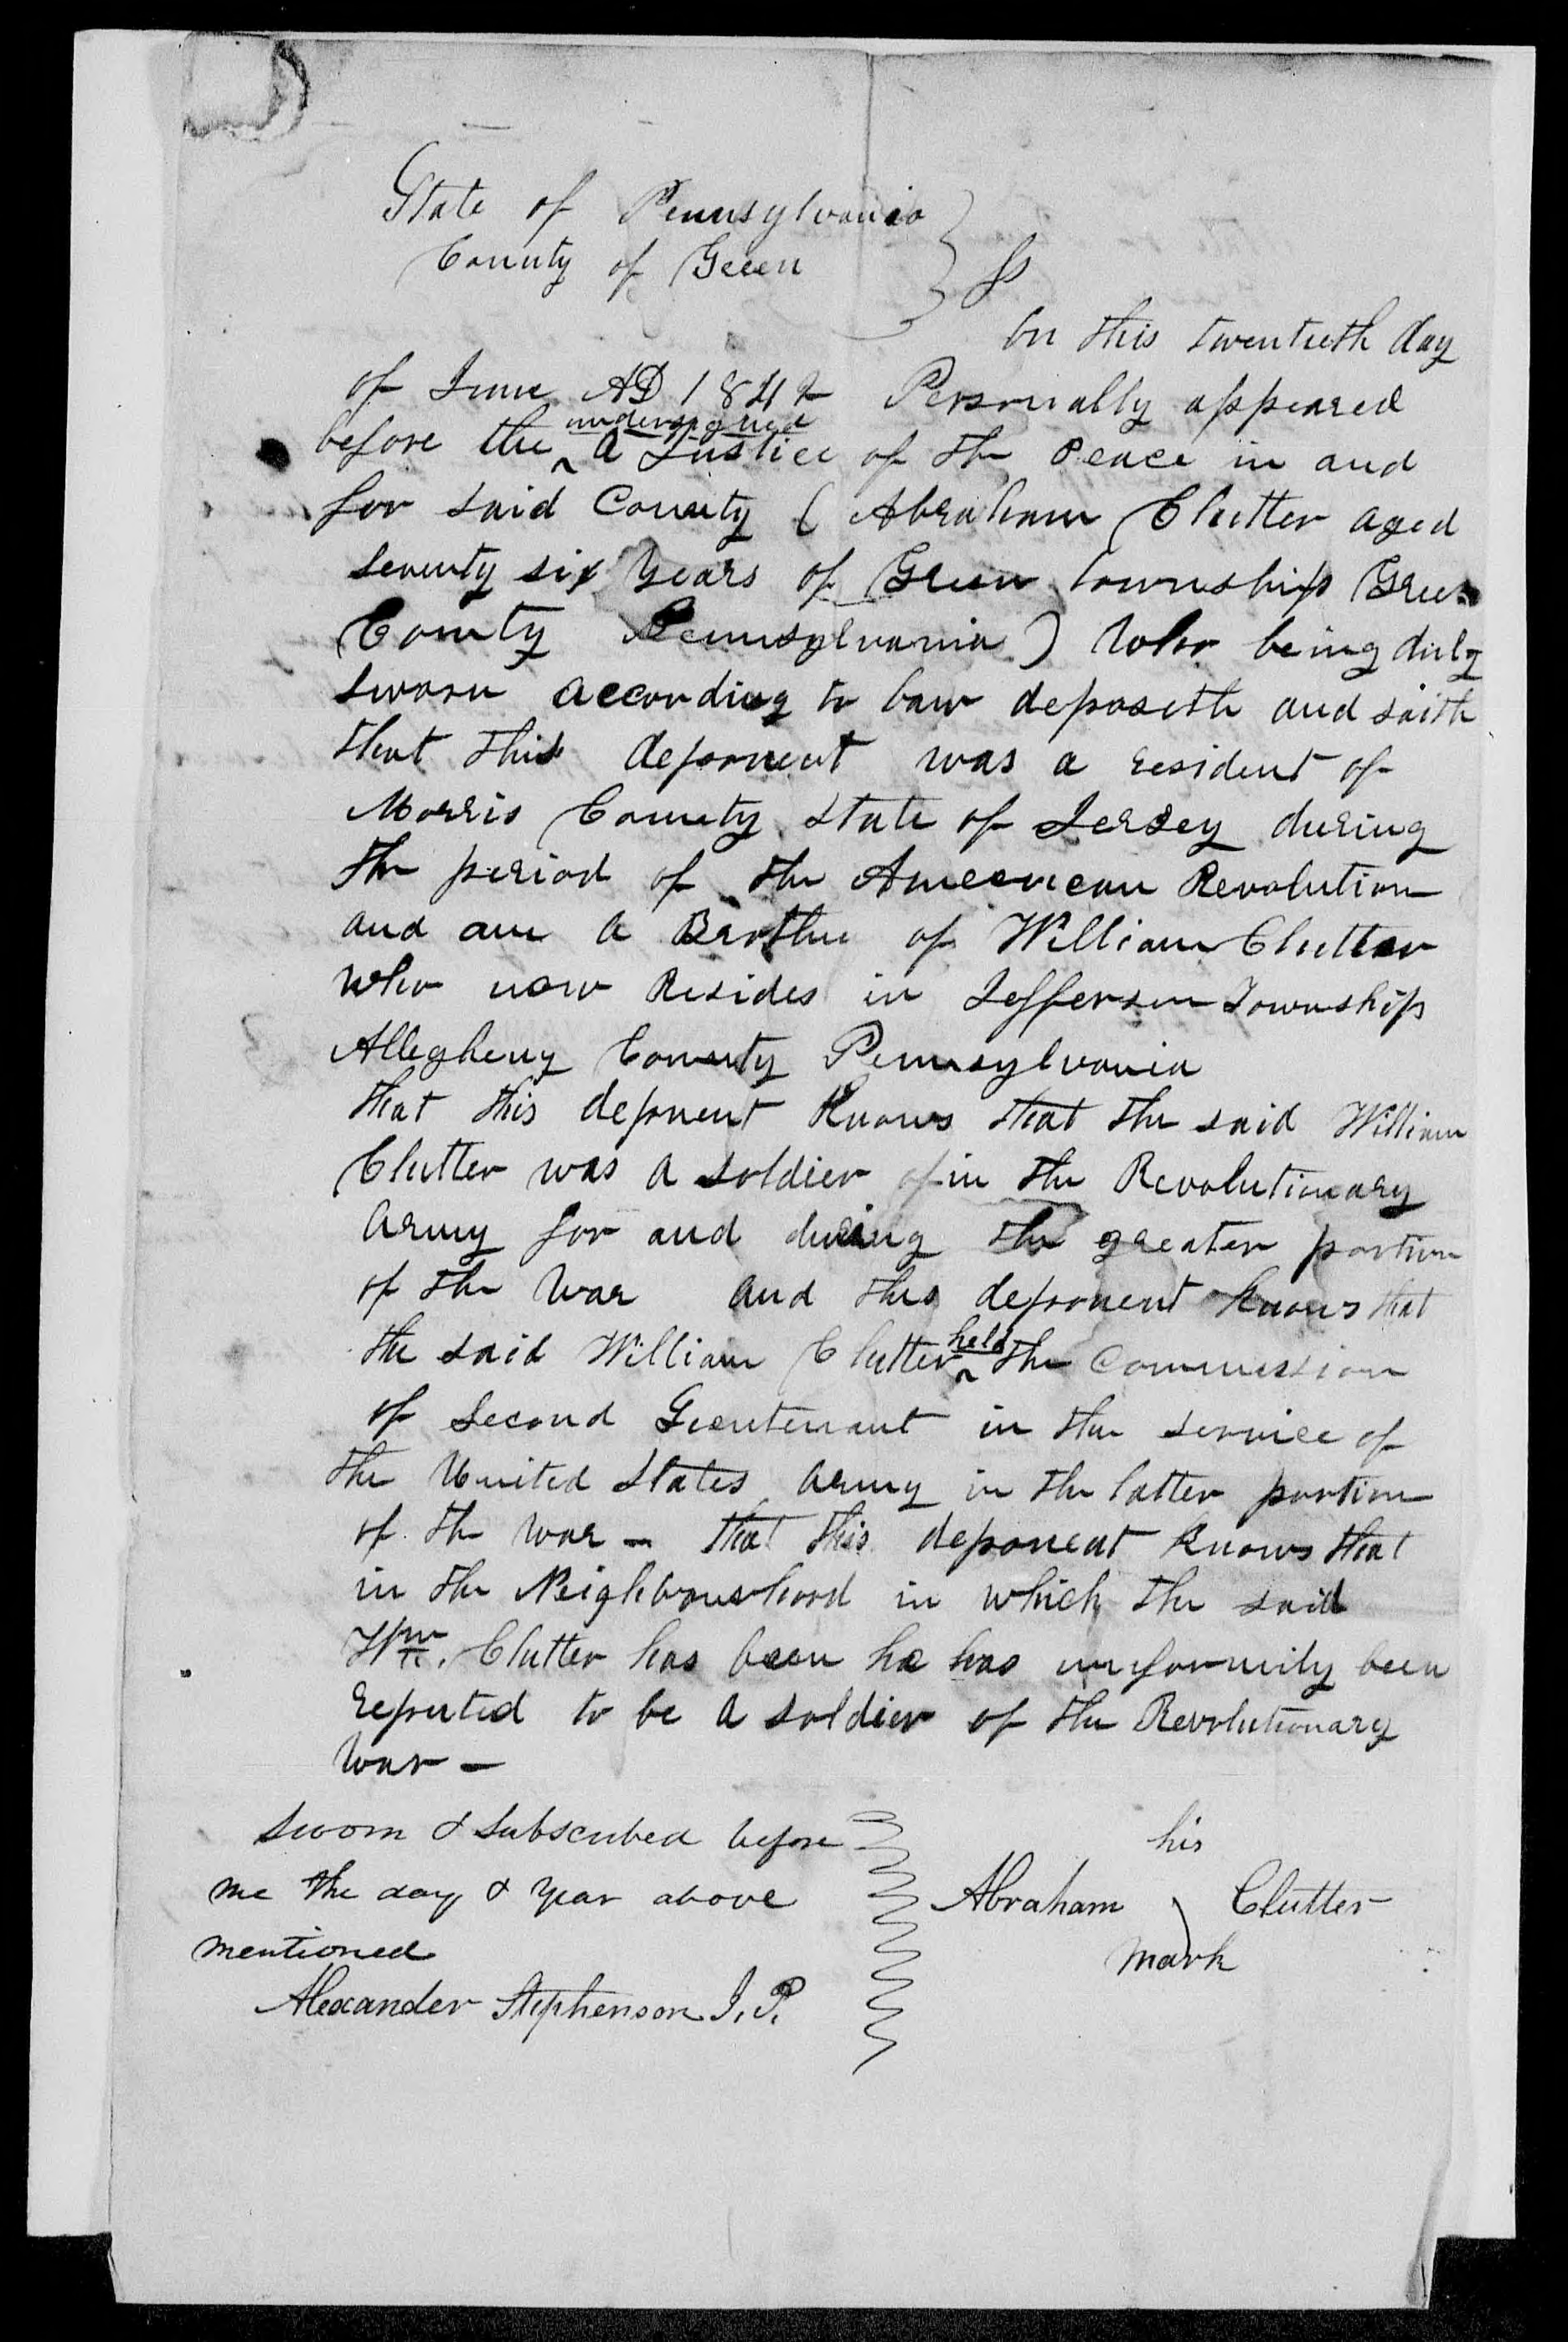State of Pennsylvania
County of Green }ss.
On this twentieth day of June AD 1842 personally appeared before the undersigned, a Justice of the Peace in and for said County (Abraham Clutter aged seventy six years of Green Township, Green County Pennsylvania) [illegible] being duly sworn according to law deposeth and saith that this deponent was a resident of Morris County, State of Jersey during the period of the American Revolution and am a brother to William Clutter who now resides in Jefferson Township, Allegheny County Pennsylvania.  That this deponent knows that the said William Clutter was a soldier in the Revolutionary army for and during the greater portion of the war.  And the deponent knows that the said William Clutter held the commission of Second Lieutenant in the service of the United States Army in the latter portion of the war.  That this deponent knows that the neighborhood in which the said Wm. Clutter has been he has uniformly been reported to be a soldier of the Revolutionary War. 

X his mark
Abraham Clutter

Sworn & subscribed before me the day & year above mentioned
Alexander Stephenson, J.P.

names: Abraham Clutter, William Clutter, Alexander Stephenson, William Clutter, Wm Clutter, William Clutter, Abraham Clutter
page: 10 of 35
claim: rejected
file: R. 2066, William Clutter, New Jersey